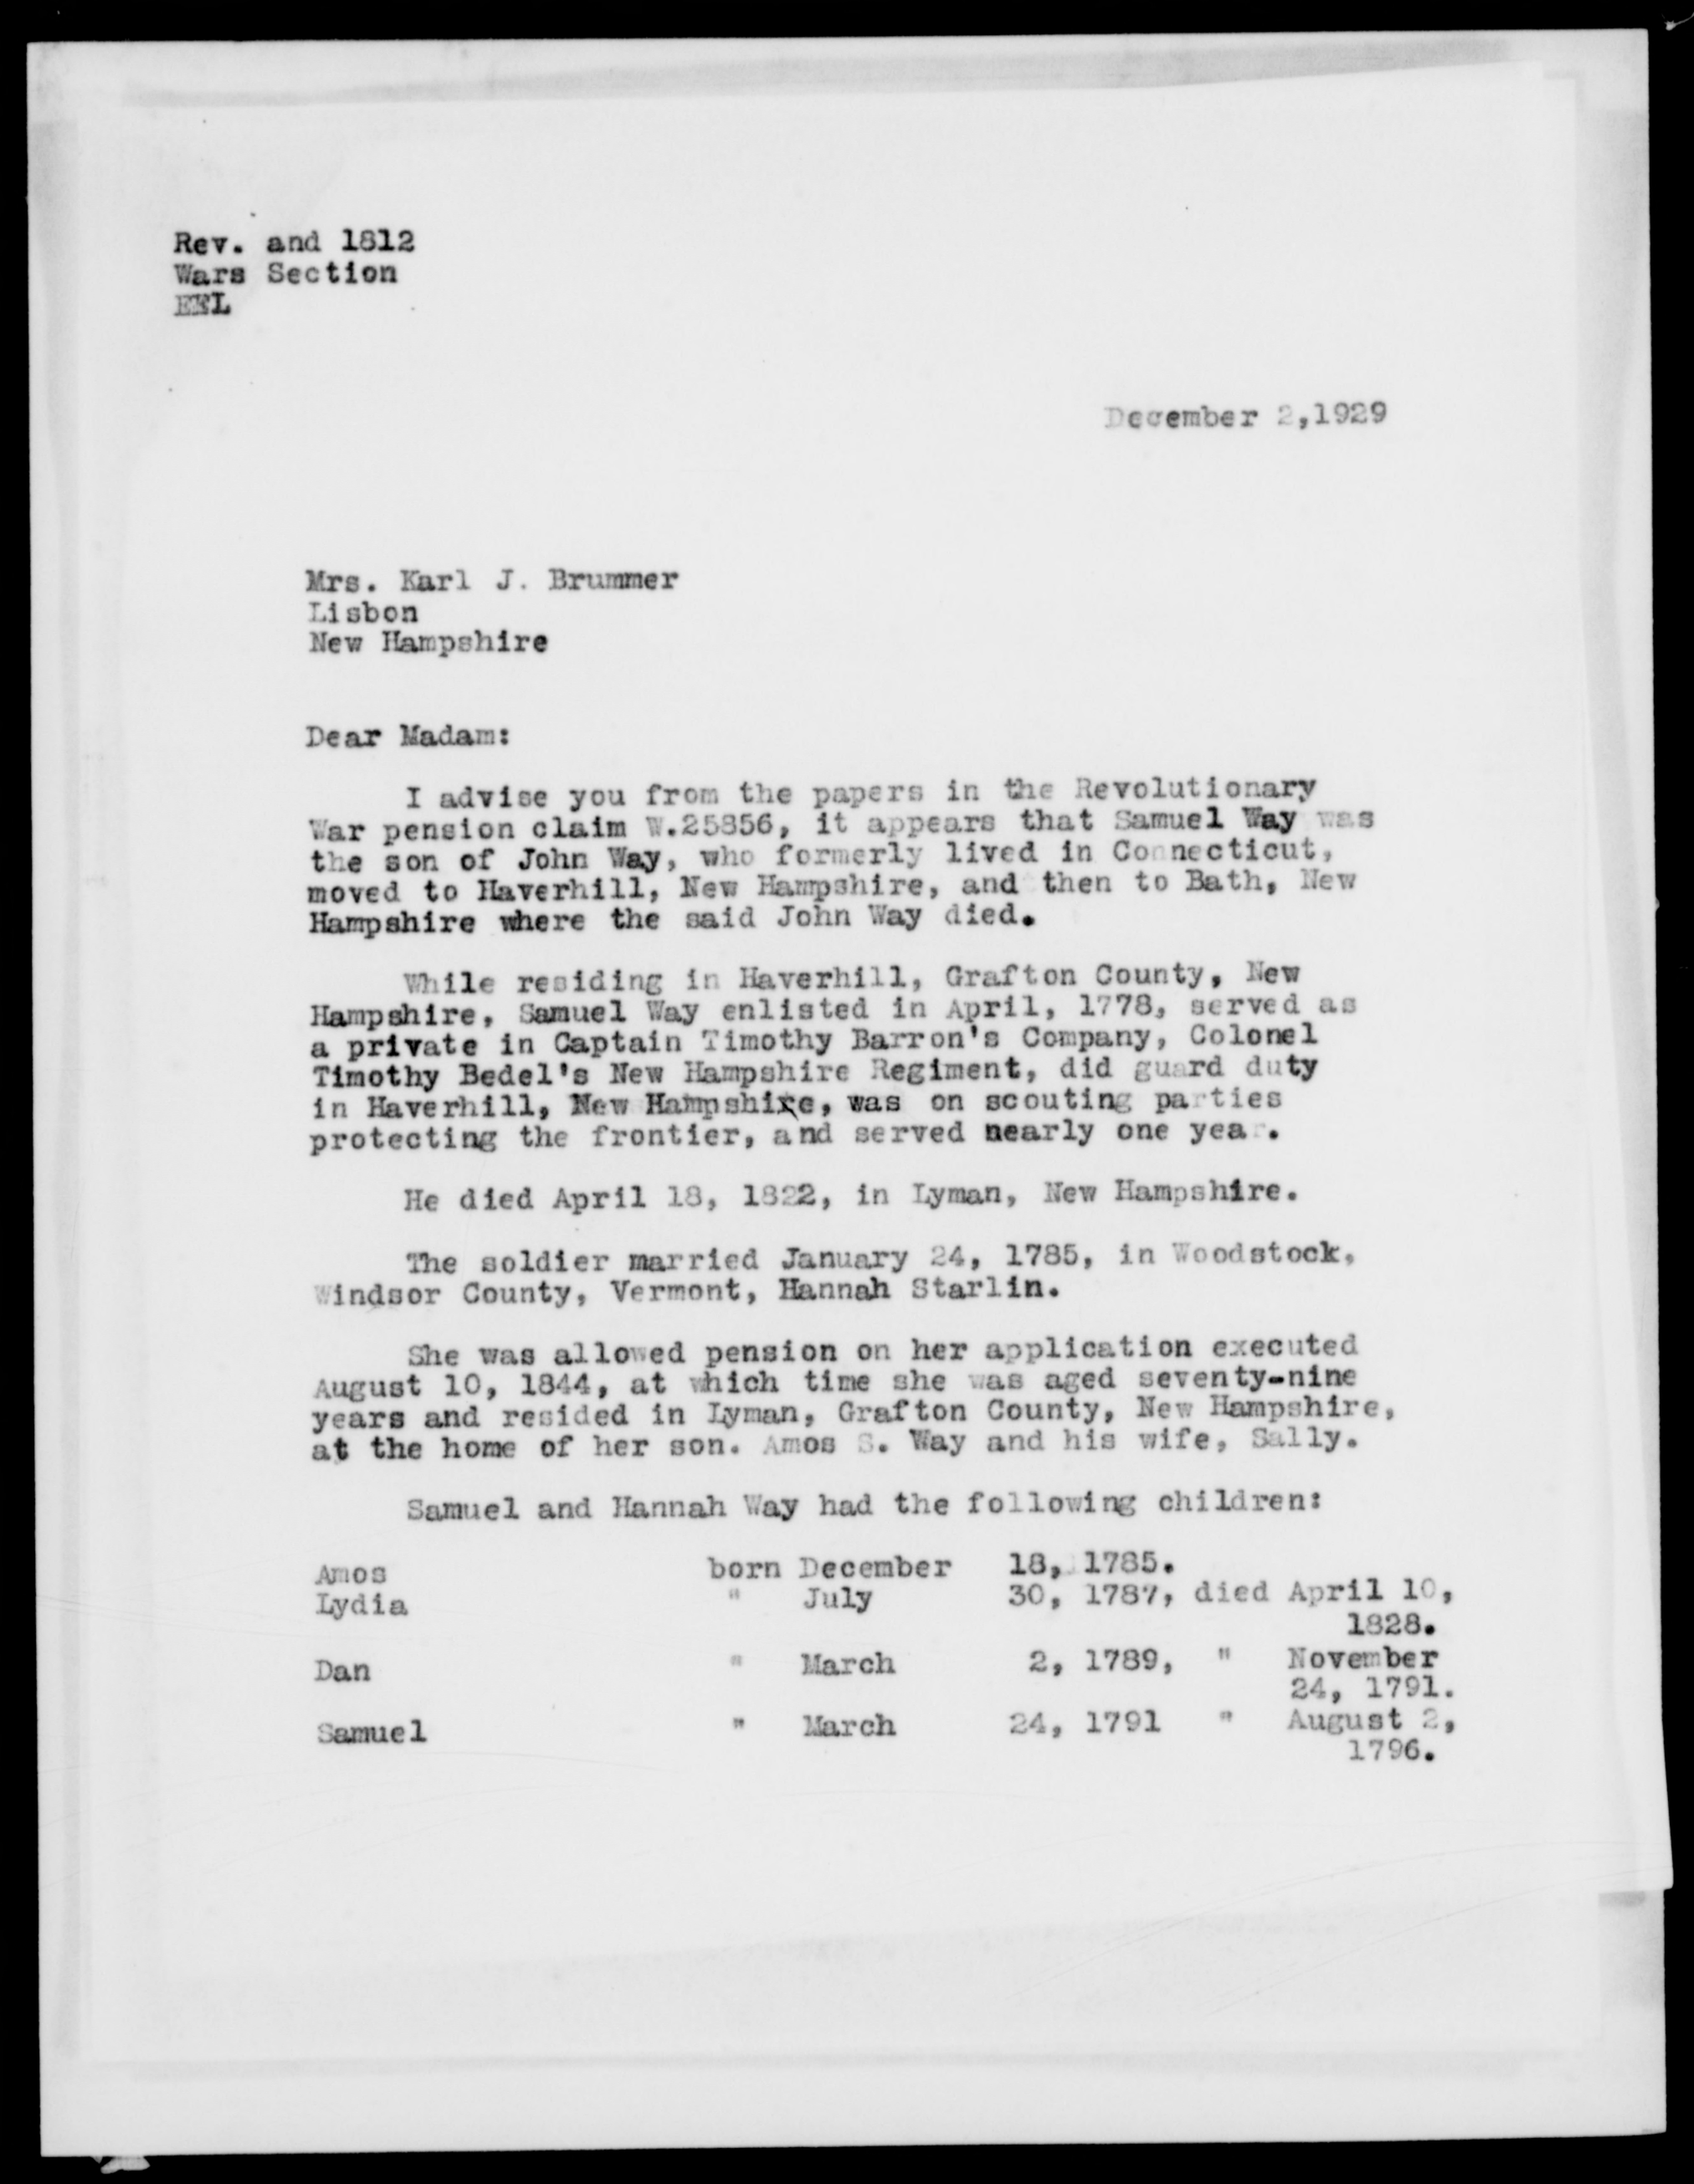Rev. and 1812
Wars Section
EEL
December 2, 1929
Mrs. Karl J. Brummer
Lisbon
New Hampshire
Dear Madam:
I advise you from the papers in the Revolutionary War
pension claim W. 25856, it appears that Samuel Way was
the son of John Way, who formerly lived in Connecticut,
moved to Haverhill, New Hampshire, and then to Bath, New
Hampshire where the said John Way died.
While residing in Haverhill, Grafton County, New
Hampshire, Samuel Way enlisted in April, 1778, served as a
private in Captain Timothy Barron's Company, Colonel
Timothy Bedel's New Hampshire Regiment, did guard duty
in Haverhill, New Hampshire, was on scouting parties
protecting the frontier, and served nearly one year.
He died April 18, 1822, in Lyman, New Hampshire.
The soldier married January 24, 1785, in Woodstock,
Windsor County, Vermont, Hannah Starlin.
She was allowed pension on her application executed
August 10, 1844, at which time she was aged seventy-nine
years and resided in Lyman, Grafton County, New Hampshire,
at the home of her son. Amos S. Way and his wife, Sally.
Samuel and Hannah Way had the following children:
Amos born December 18, 1785.
Lydia       "  July 30, 1787, died April 10, 1828.
Dan         "  March 2, 1789, " November 24, 1791.
Samuel    " March 24, 1791 " August 2, 1796.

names: Amos S Way, Samuel Way, Hannah Way, Hannah Starlin, Karl J Brummer, Sally, Lydia, Dan, John Way, Amos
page: 67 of 78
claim: widow's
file: W. 25856, Samuel Way, N.H.